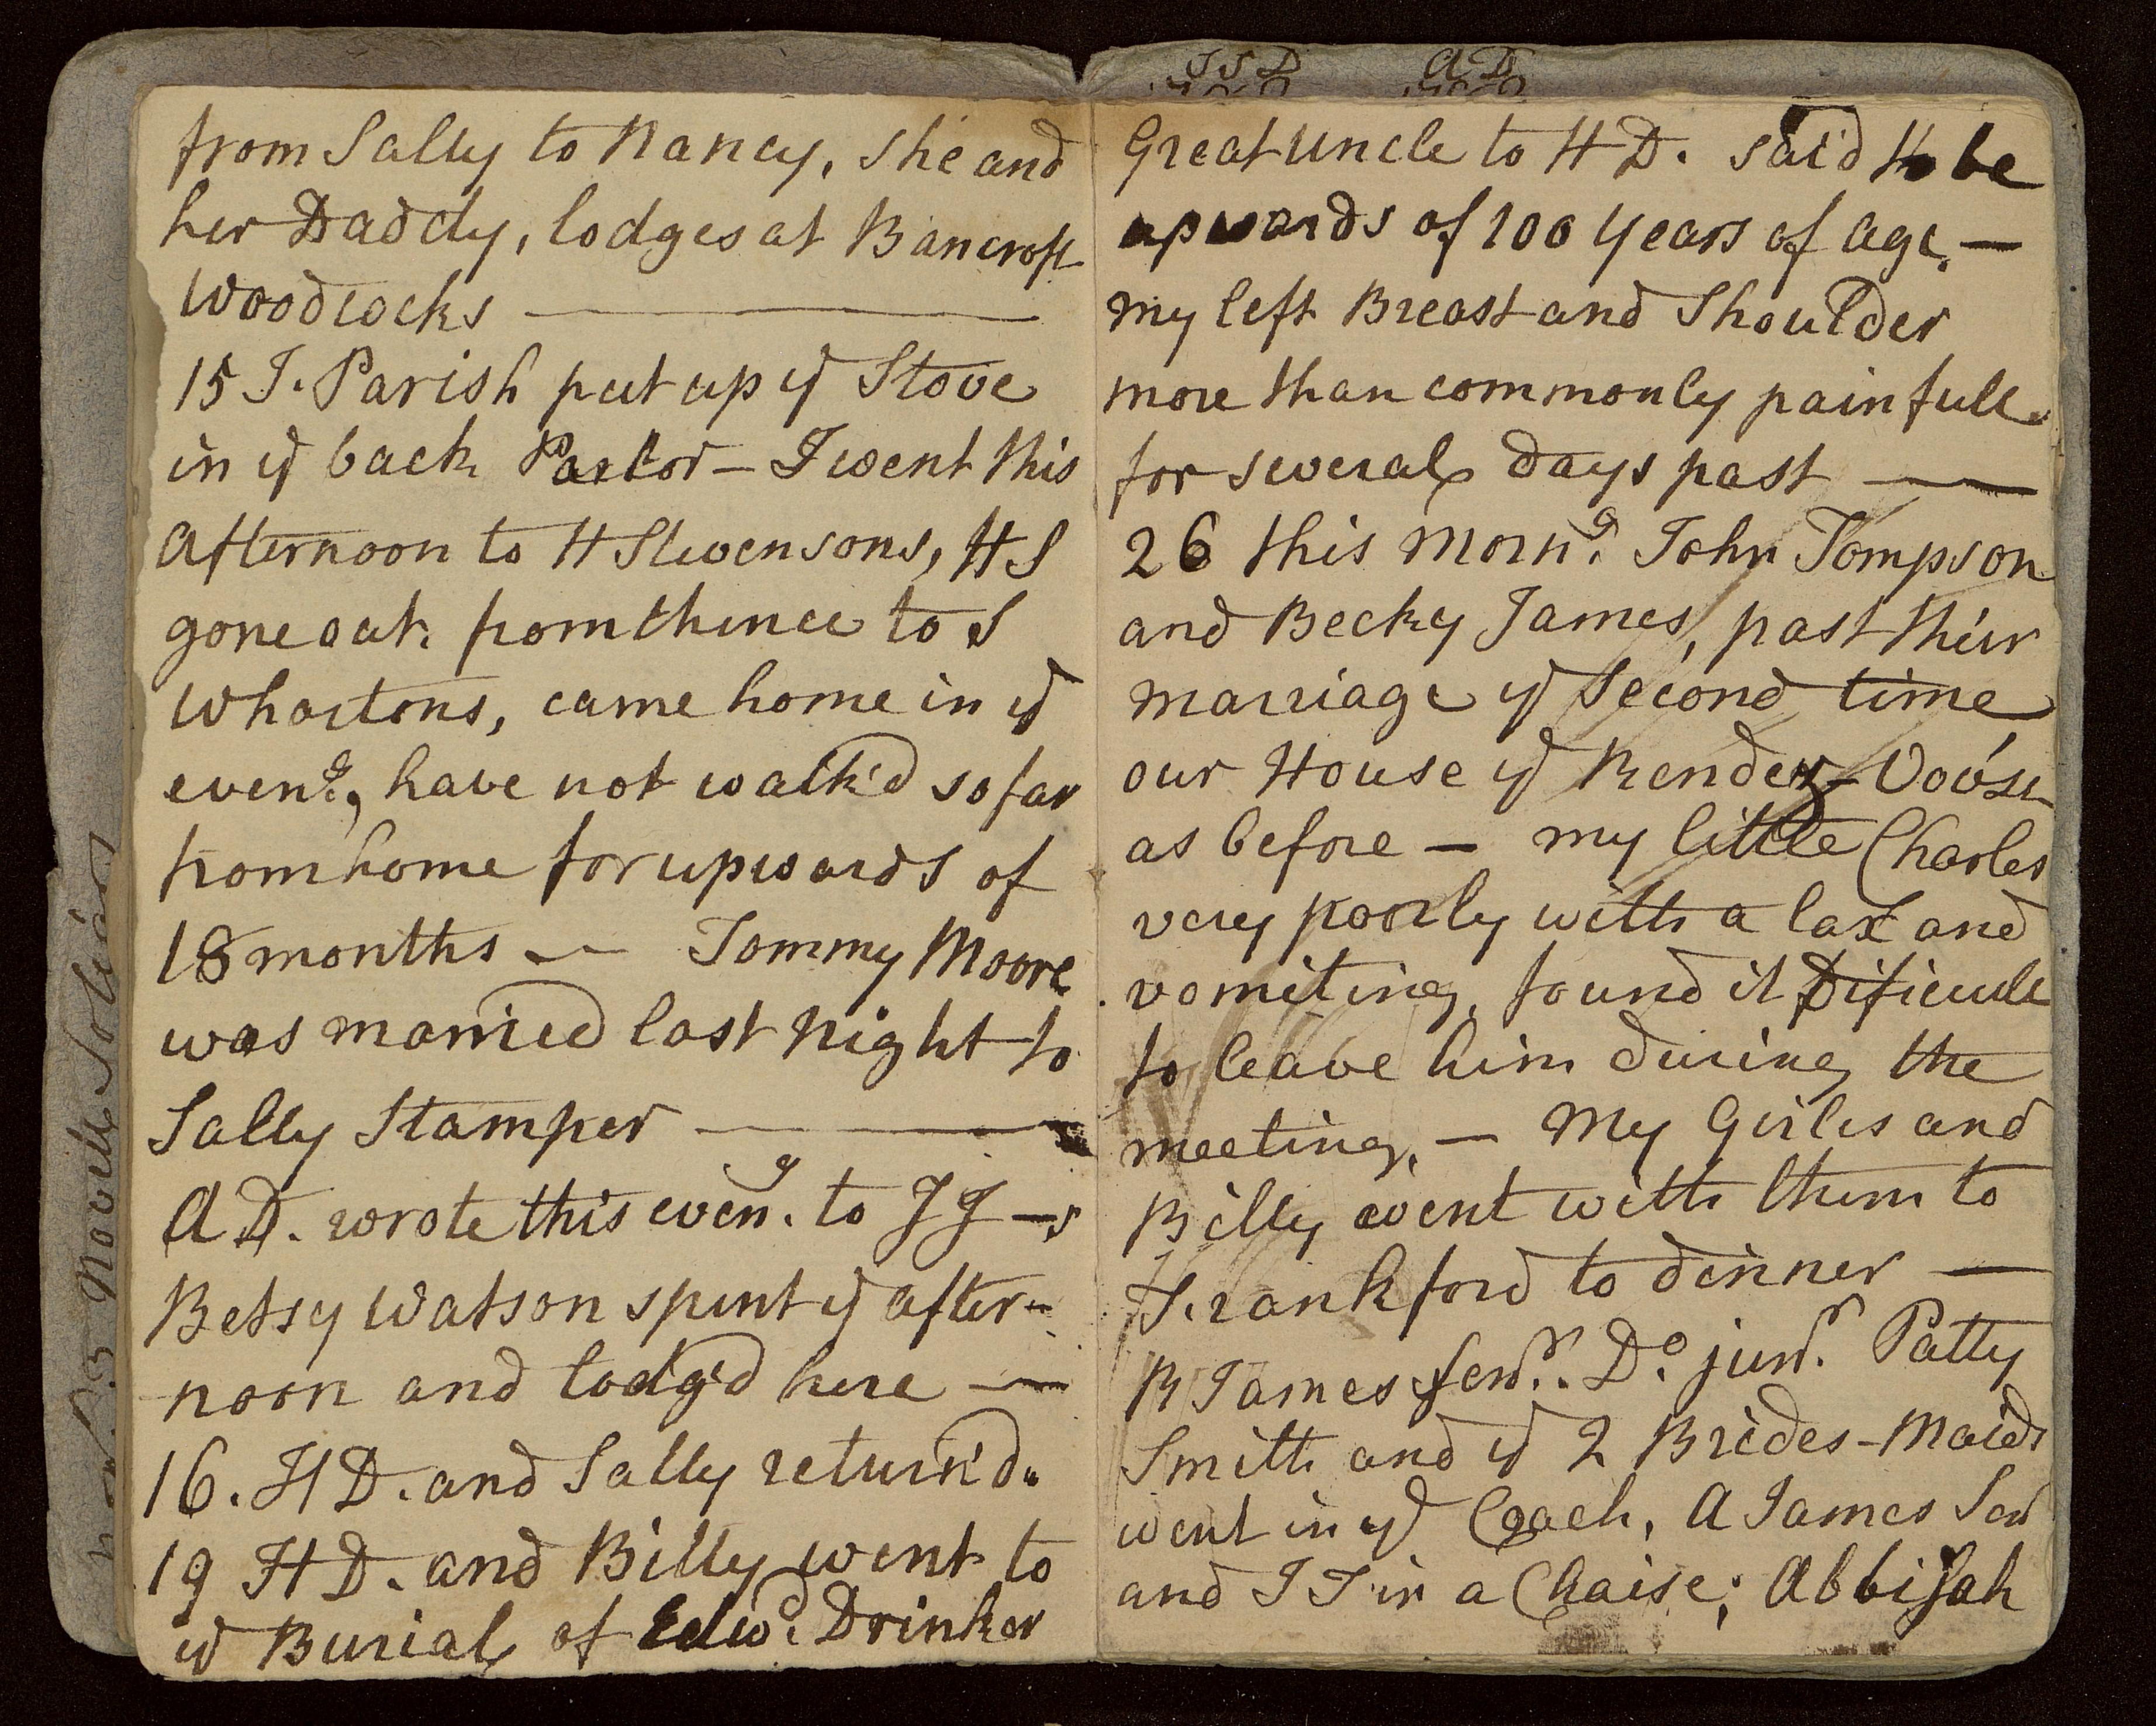from Sally to Nancy, she and
her Daddy, lodges at Bancroft
Woodcocks-
15 J. Parish put up y^e Stove
in y^e back Parlor- I went this
Afternoon to H Stevensons, HS
gone out from thence to S
Whartons, came home in y^e
even^g, have not walk'd so far
from home for upwards of
18 months-- Tommy Moore
was married last night to
Sally Stamper-
AD. wrote this even^g. to JJ
Betsy Watson spent y^e after-
-noon and lodg'd here-
16. HD. and Sally return'd.
19 HD and Billy went to
y^e Burial, of Edw^d. Drinker
Great Uncle to HD. said to be
upwards of 100 years of age-
my left Breast and Shoulder
more than commonly painfull
for several days past-
26 this morn^g. John Tompson
and Becky James, past their
marriage y^e second time
our House y^e Rendez-Vouse
as before- my little Charles
very poorly with a lax and
vomiting, found it Dificult
to leave him during, the
meeting,- My Girles and
Billy went with them to
Frankford to dinner-
R James Sen^r. D^o. jun^r. Patty
Smith and y^e 2 Brides- Maids
went in y^e Coach, A James Sen^r
and JJ in a Chaise; Abbisah